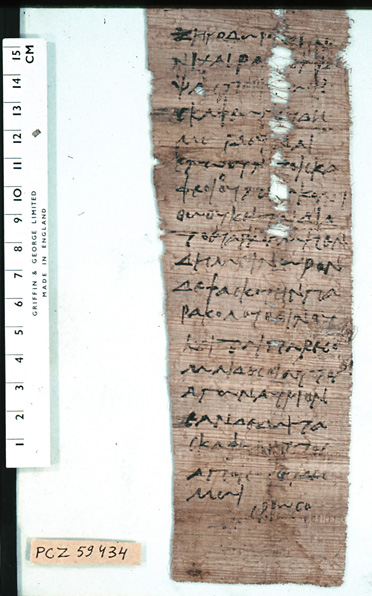ζηνοδωρο ν
νιχαιρ
ψαϲπ ν
ϲκαφεωνευδη
μ ιδουναι
εγωουντοιϲκα
φεοιουπ ακολ
θωουκειταιδια
τοευαρχονμηεν
δημεινωρον
δεφαϲκουϲινπα
ρακολουθεινου
κειταιπαρεϲο
μαιδεϲοιαυτον
αγωναυριον
εανδεδωιτα
ϲκαφ αυτοϲ
αποιϲ
μωι
ερρωϲο